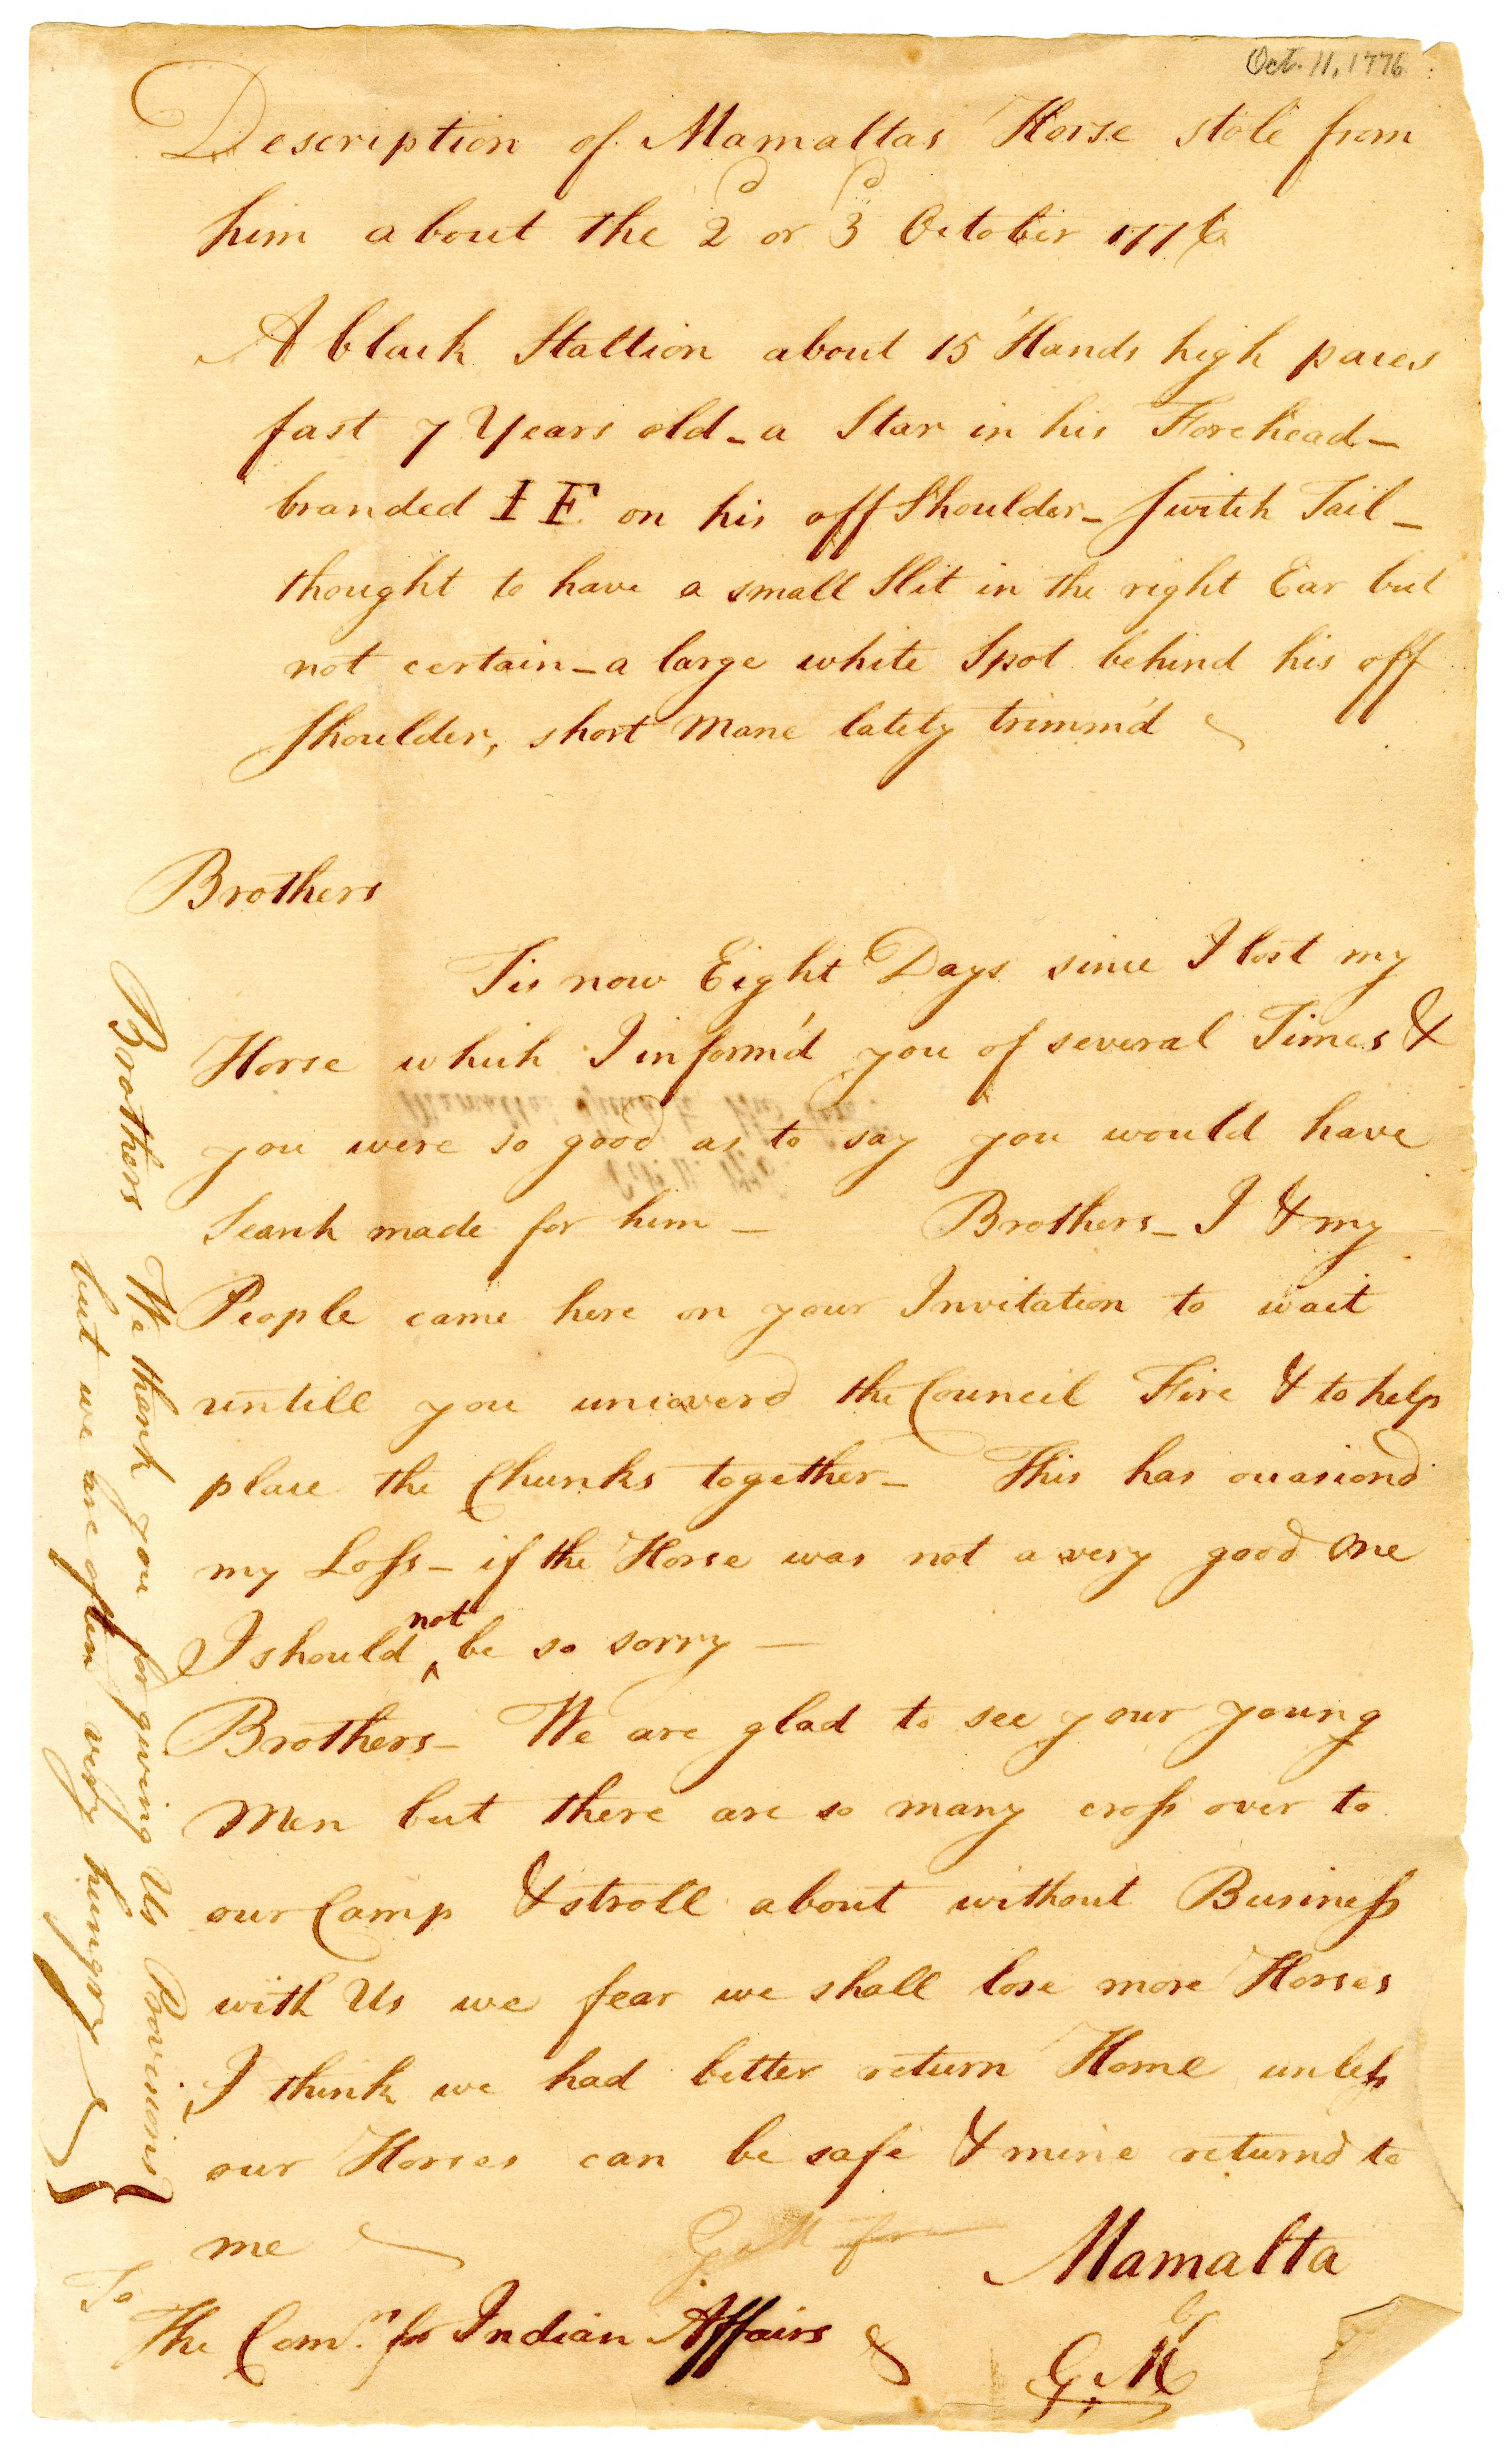Description of Mamaltas Horse stole from
him about the 2^d or 3^d October 1776
A black Stallion about 15 Hands high paces
fast 7 Years old, a Star in his Forehead-
branded I.F. on his off Shoulder, Switch Tail,
thought to have a small Slit in the right Ear, but
not certain, a large white Spot behind his off
Shoulder, short mane lately trimm'd.
Brothers
Tis now Eight Days since I lost my
Horse which I inform'd you of several Times &
You were so good as to say you would have
Search made for him. Brothers, I & my
People came here on your Invitation to wait
untill you uncovered the Council Fire & to help
place the Chunks together. This has occasiond
my Loss, if the Horse was not a very good one
not
I should ^ be so sorry.
Brothers, We are glad to see your young
Men but there are so many cross over to
our Camp & stroll about without Business
with us we fear we shall lose more Horses
I think we had better return Home untill
our Horses can be safe & mine returnd to
me.
G.M. for
Mamalta
To
The Com^r. for Indian Affairs
G.M.
Brothers We thank you for giving Us Provisions
but we are often very hungry.